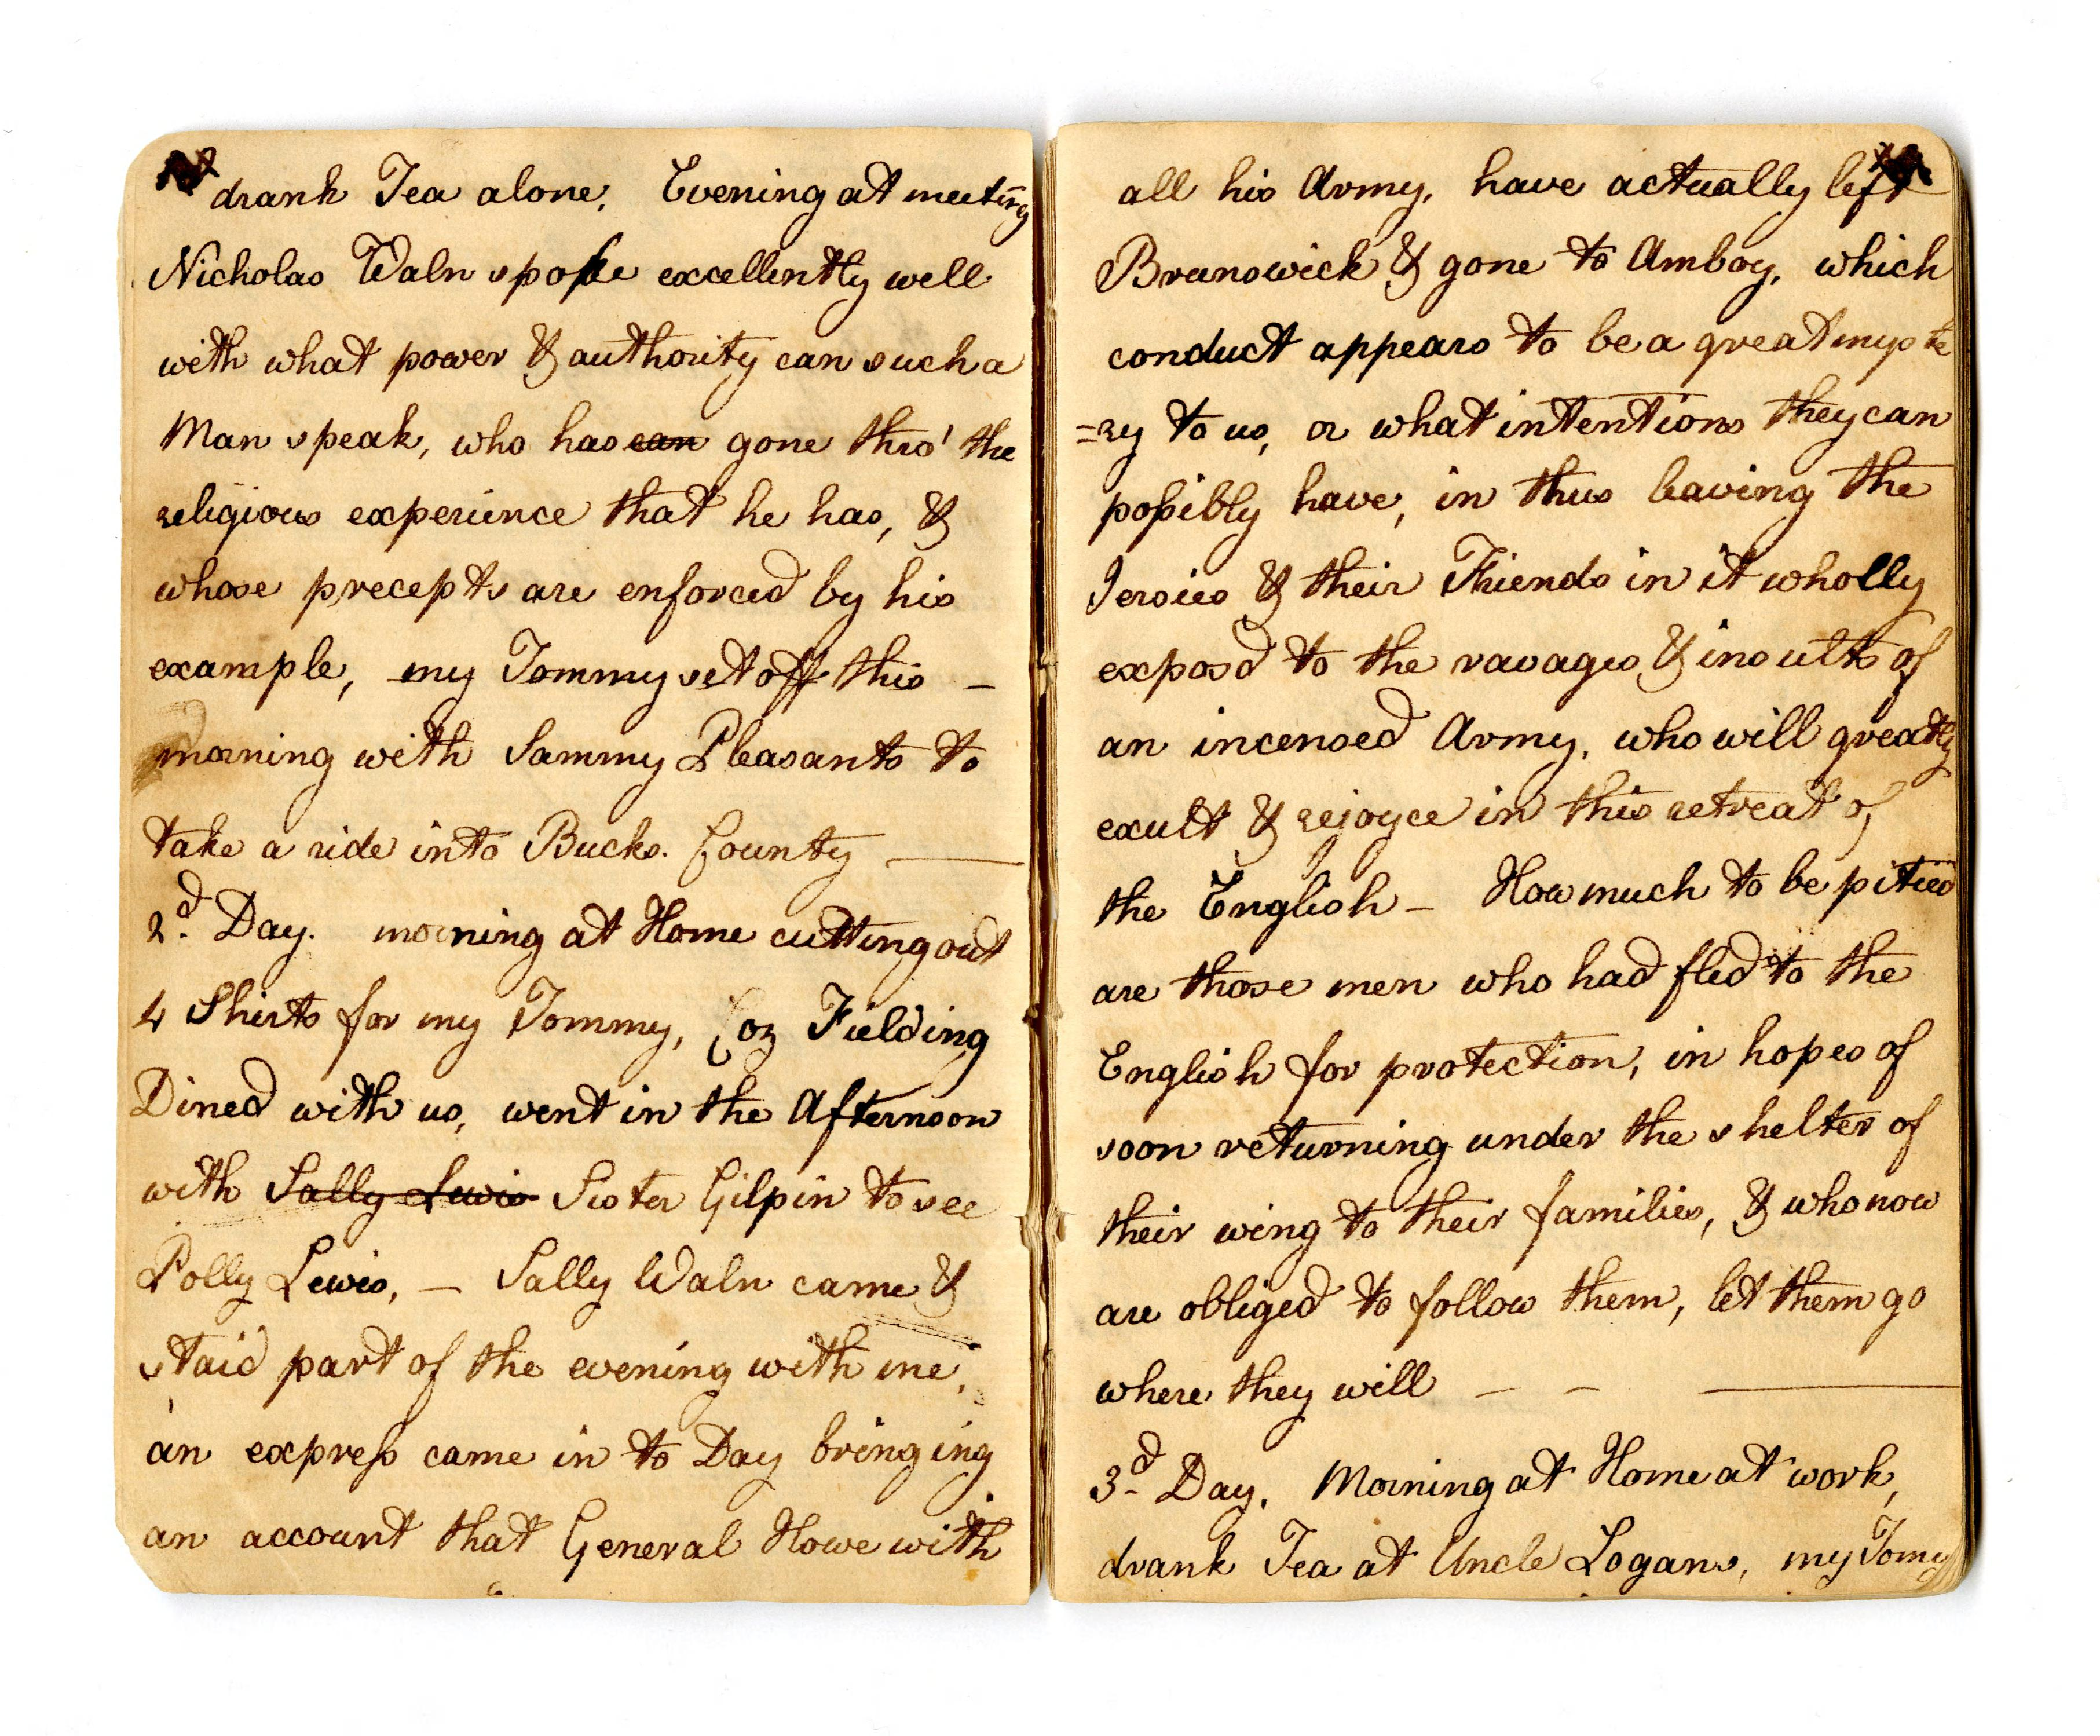drank Tea alone, Evening at meeting
Nicholas Waln spoke excellently well.
with what power & authority can such a
Man speak, who has [can] gone thro' the
religious experience that he has, &
whose precepts are enforced by his
example, my Tommy set off this-
morning with Sammy Pleasants to
take a ride into Bucks County-
2^d. Day. morning at Home cutting out
4 Shirts for my Tommy, Coz Fielding
Dined with us, went in the Afternoon
with [Sally Lewis] Sister Gilpin to see
Polly Lewis,- Sally Waln came &
staid part of the evening with me,
an express came in to Day bringing
an account that General Howe with
all his Army, have actually left
Brunswick & gone to Amboy, which
conduct appears to be a great myste
-ry to us, or what intentions they can
possibly have, in thus leaving the
Jersies & their Friends in it wholly
exposd to the ravages & insults of
an incensed Army, who will greatly
exult & rejoyce in this retreat of
the English- How much to be pitied
are those men who had fled to the
English for protection, in hopes of
soon returning under the shelter of
their wing to their families, & who now
are obliged to follow them, let them go
where they will--
3^d Day. Morning at Home at work,
drank Tea at Uncle Logans, my Tomy